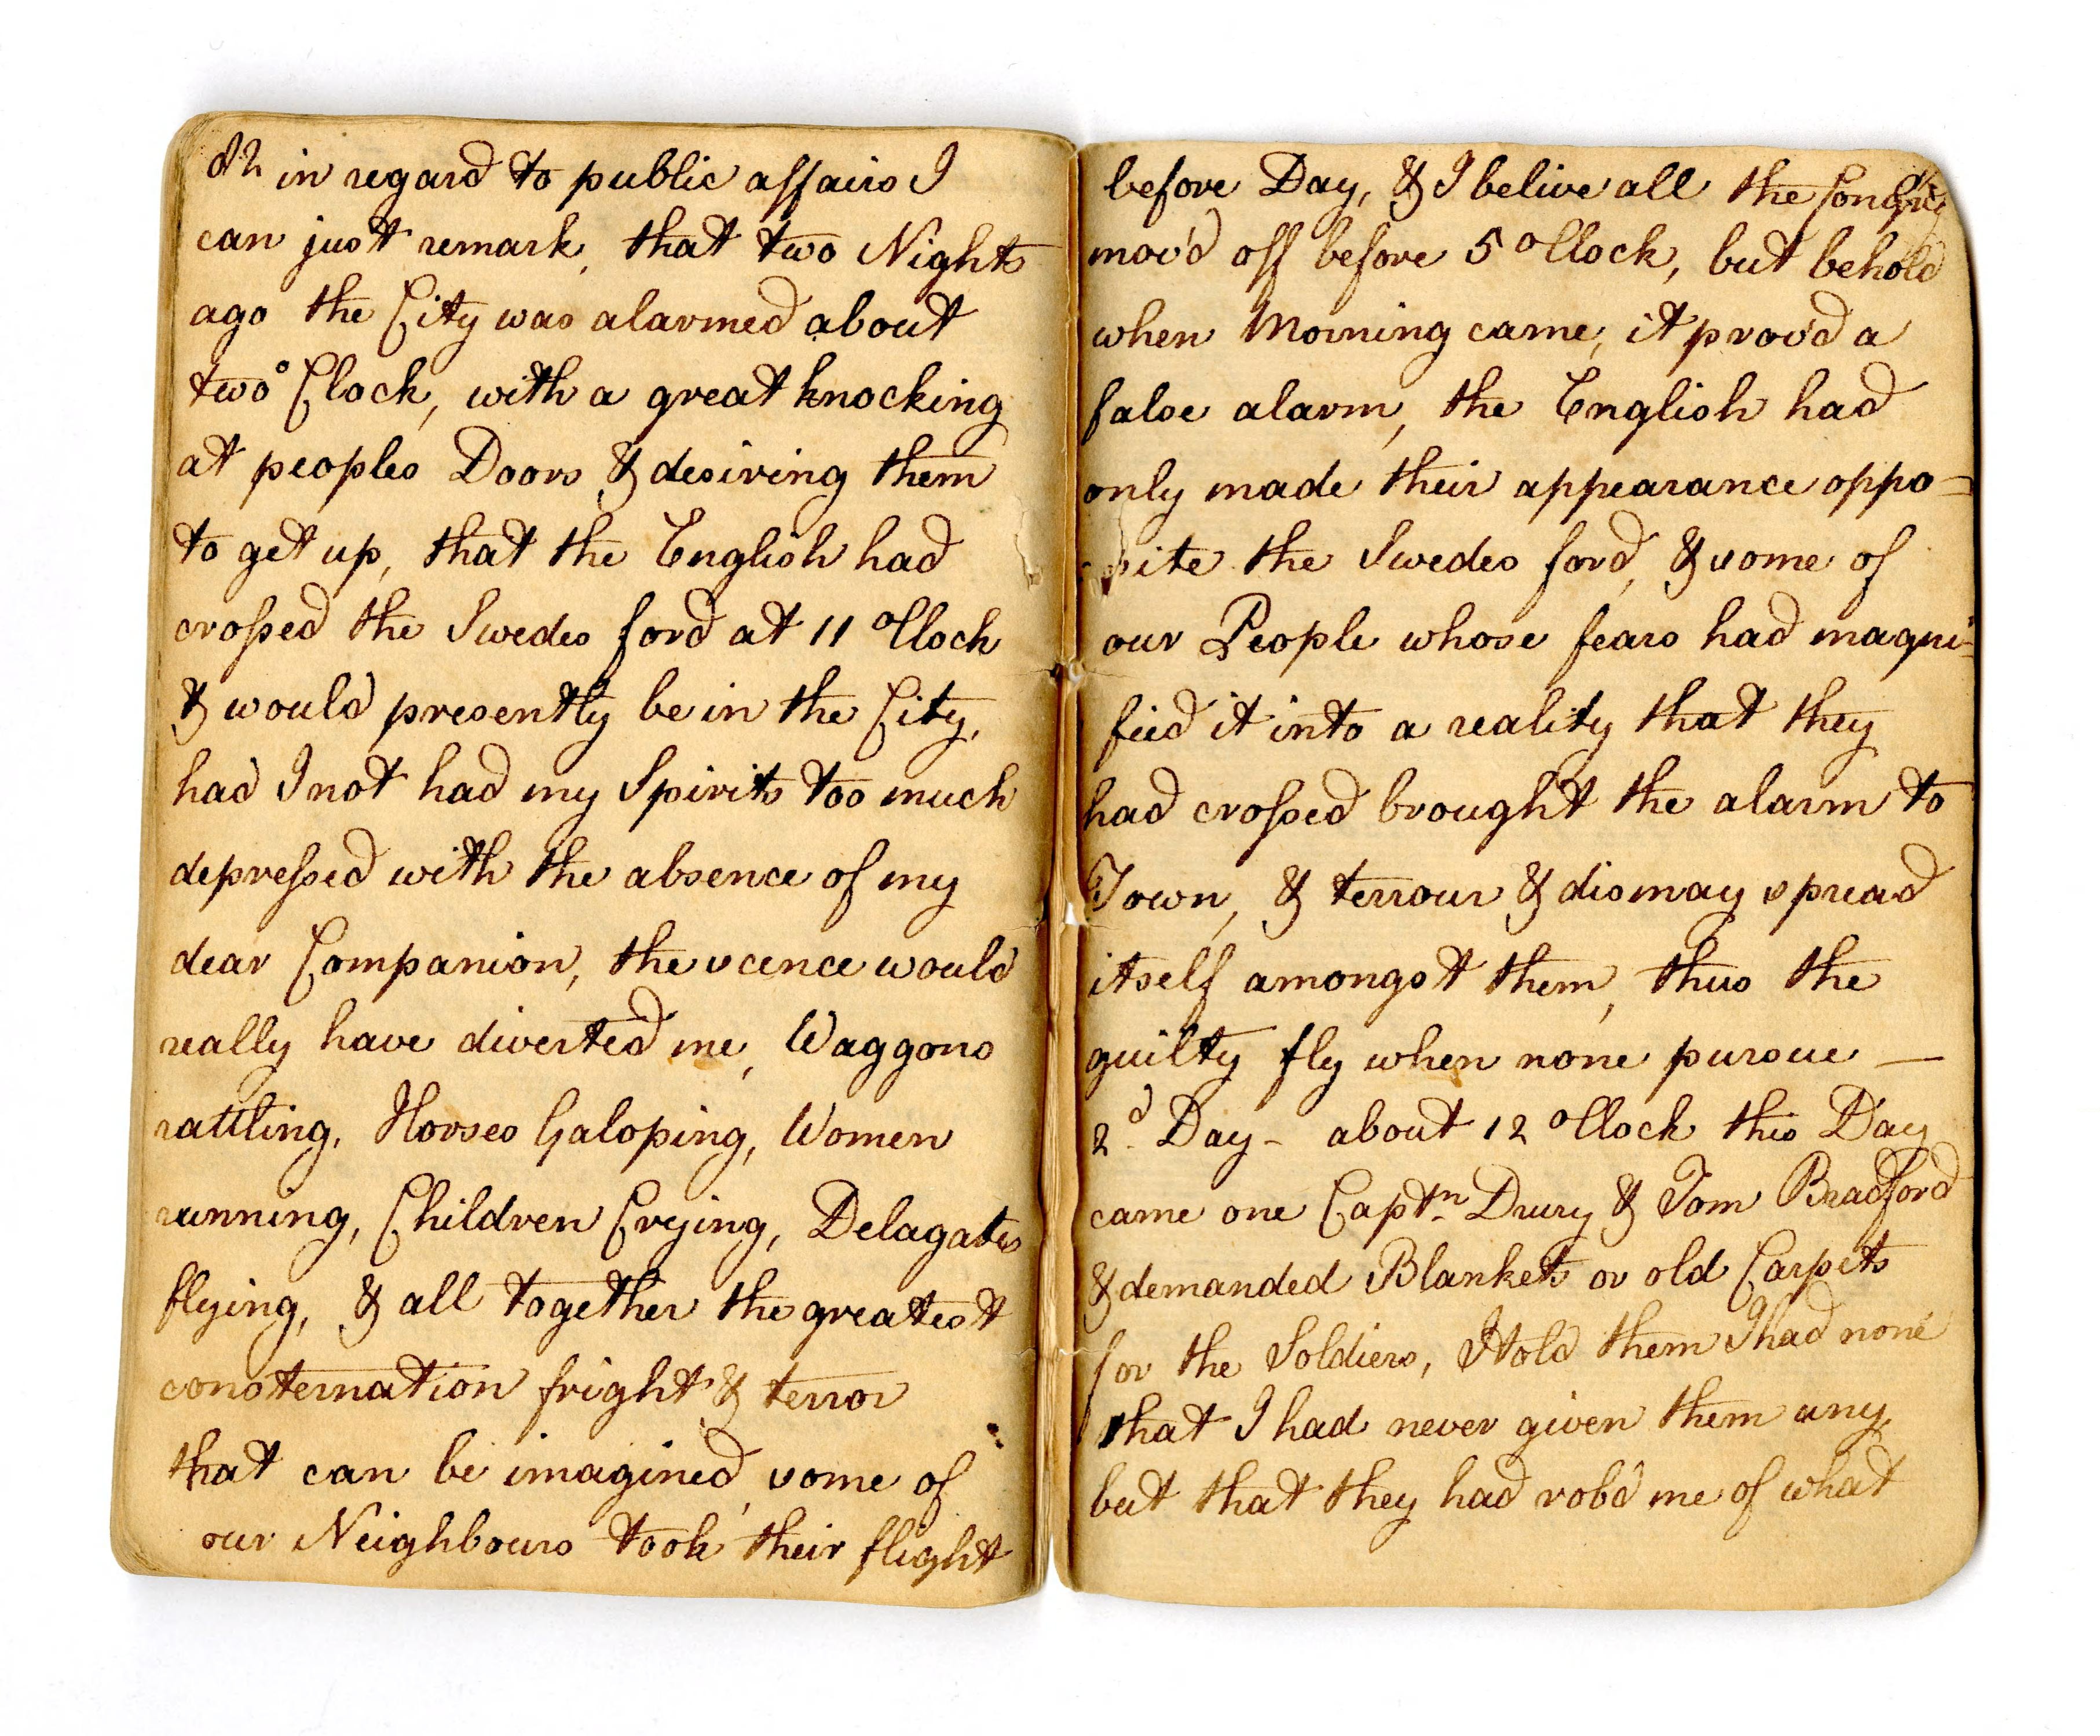in regard to public affairs I
can just remark, that two Nights
ago the City was alarmed about
two ^oClock, with a great knocking
at peoples Doors & desiring them
to get up, that the English had
crossed the Swedes ford at 11 ^oClock
& would presently be in the City,
had I not had my Spirits too much
depressed with the absence of my
dear Companion, the scence would
really have diverted me, Waggons
rattling, Horses Galoping, Women
running, Children Crying, Delagates
flying, & all together the greatest
consternation fright & terror
that can be imagined, some of
our Neighbours took their flight
before Day, & I belive all the Congres
mov'd off before 5 ^oClock, but behold
when Morning came, it prov'd a
false alarm, the English had
only made their appearance oppo-
-site the Swedes ford, & some of
our People whose fears had magni-
fied it into a reality that they
had crossed brought the alarm to
Town, & terrour & dismay spread
itself amongst them, thus the
guilty fly when none pursue-
2^d. Day- about 12 ^oClock this Day
came one Capt^n Drury, & Tom Bradford
& demanded Blankets or old Carpets
for the Soldiers, I told them I had none
that I had never given them any,
but that they had robd me of what